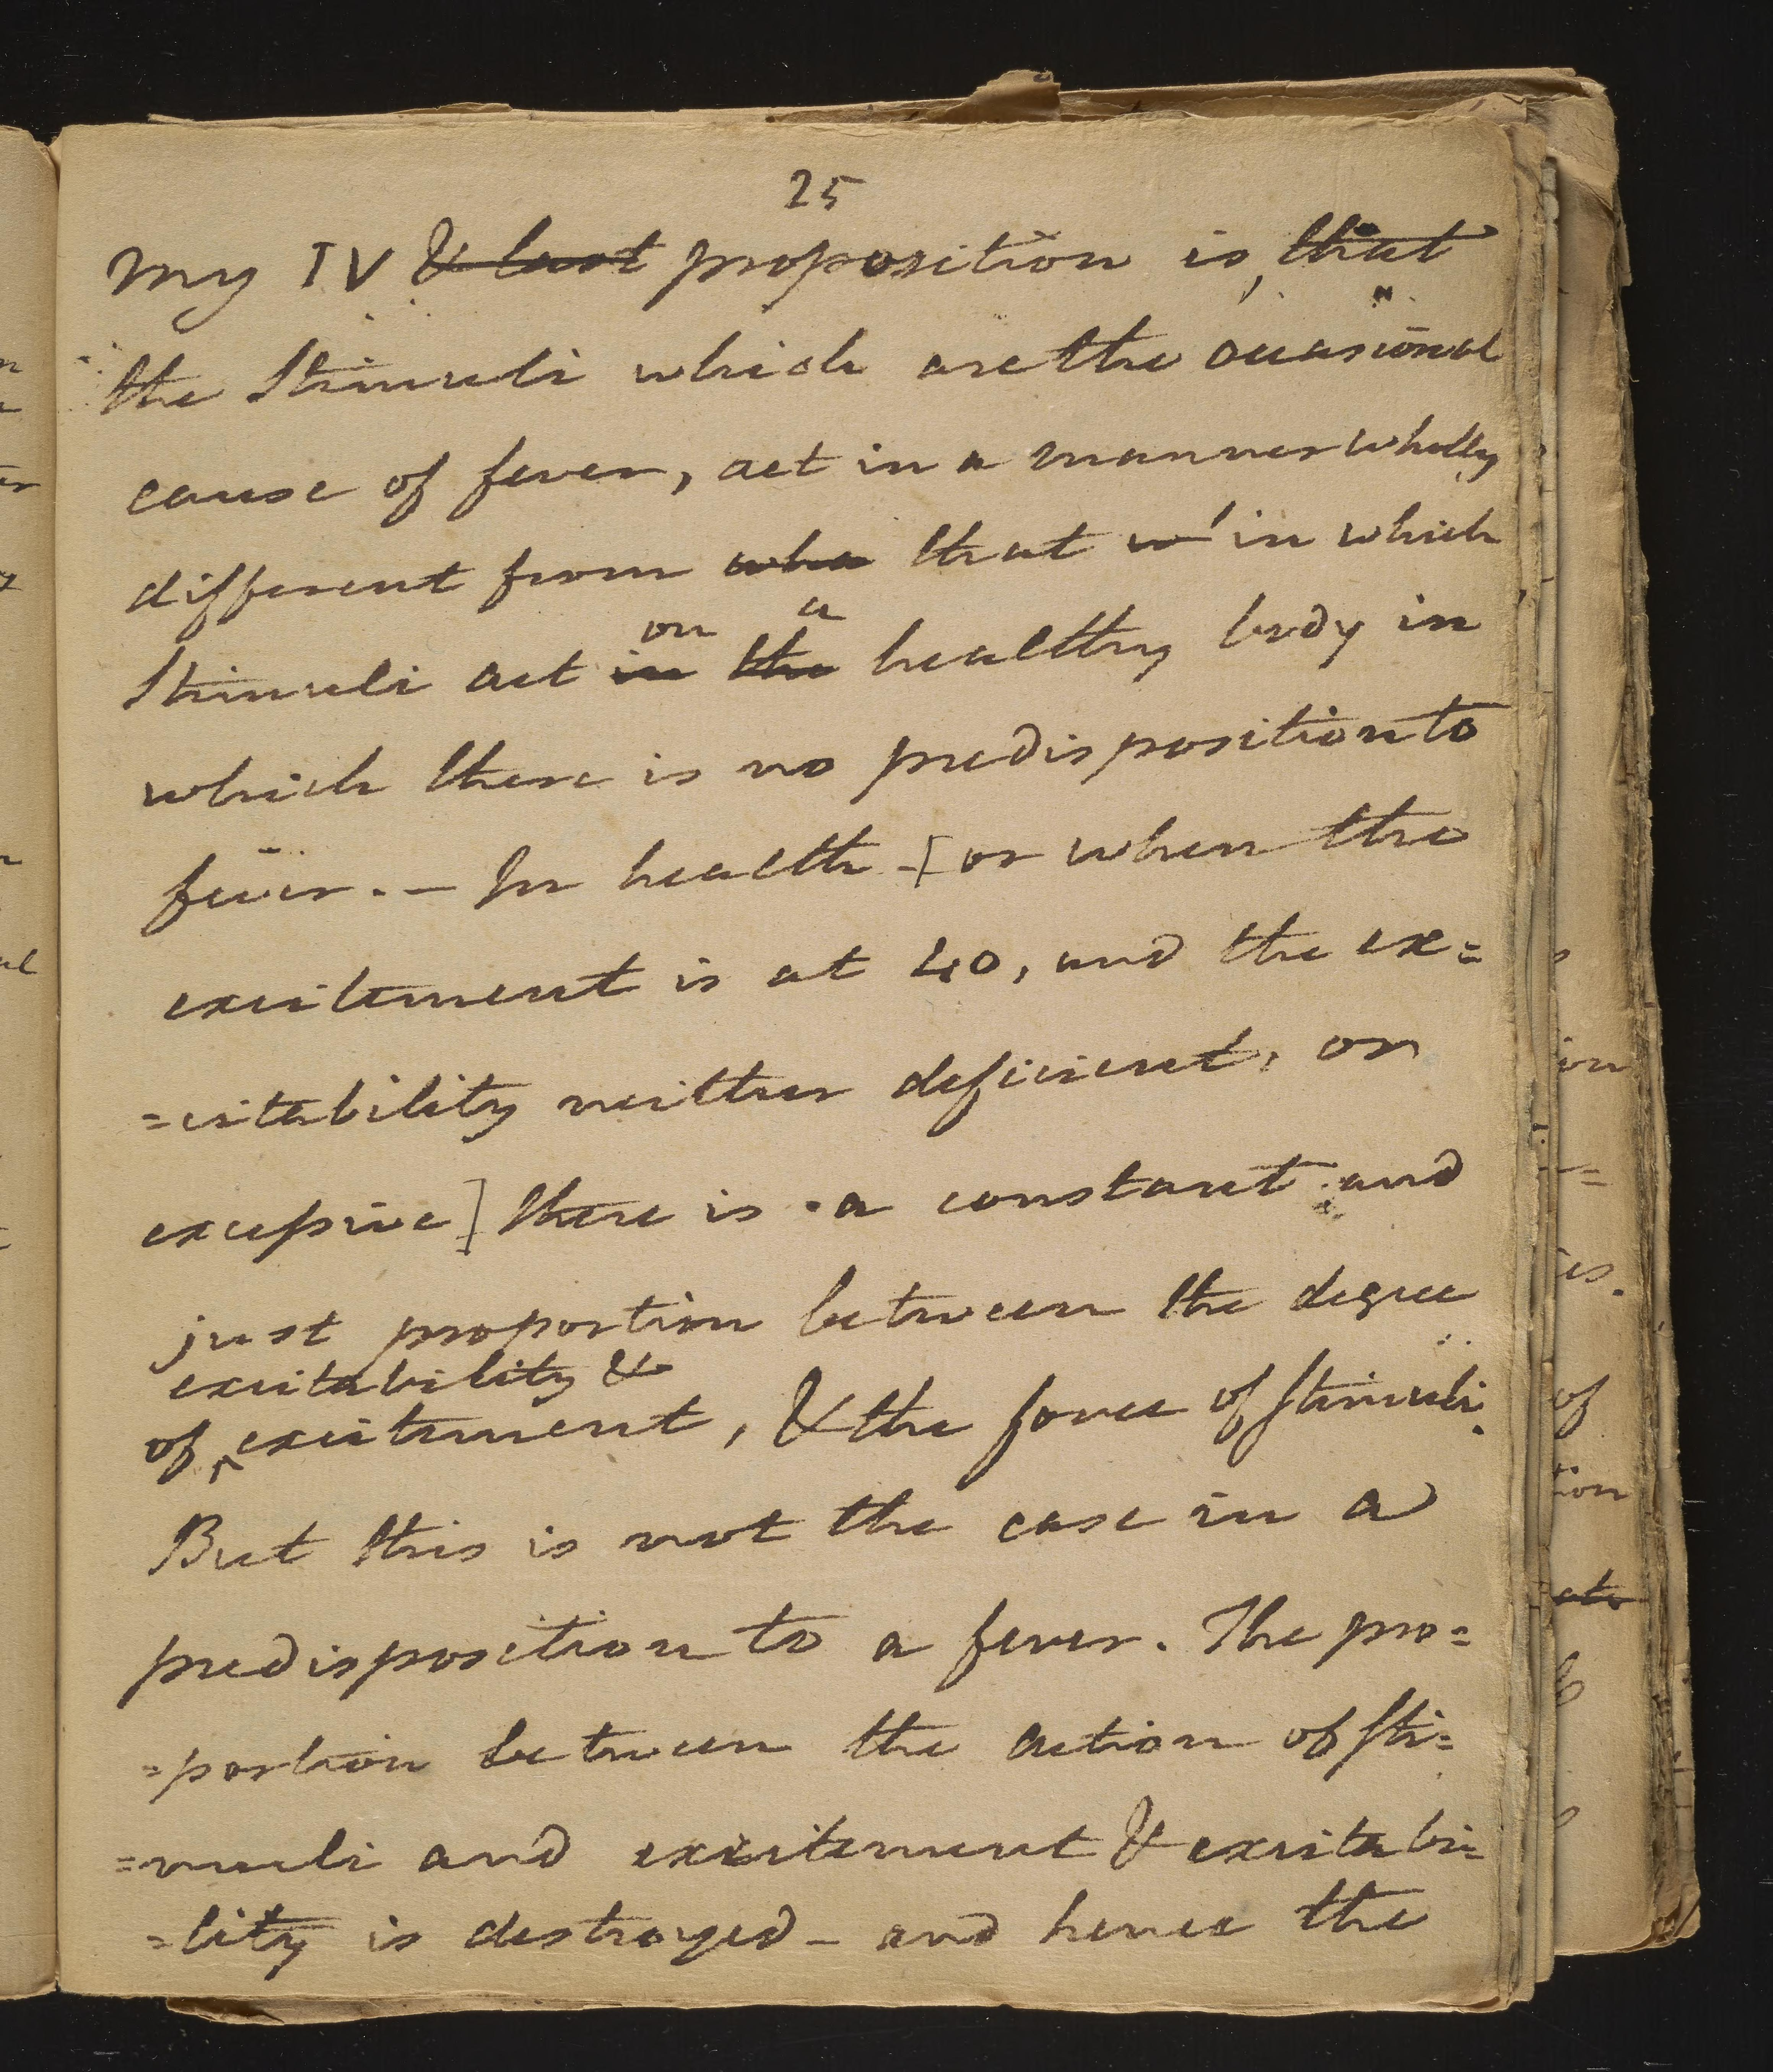25
My IV [& last] proposition is that
the stimuli which are the occasional
cause of fever, act in a manner wholly
different from [which] that w'in which
on
a
stimuli act [in] [the] healthy body in
which there is no predisposition to
fever. In health (or when the
excitement is at 40, and the ex-
-citability rather deficient, or
excessive) there is a constant and
just proportion between the degree
excitability &
of ^ excitement, & the force of stimuli
But this is not the case in a
predisposition to a fever. The pro-
-portion between the action of sti-
muli and excitement & excitabi-
-lity is destroyed, and hence the